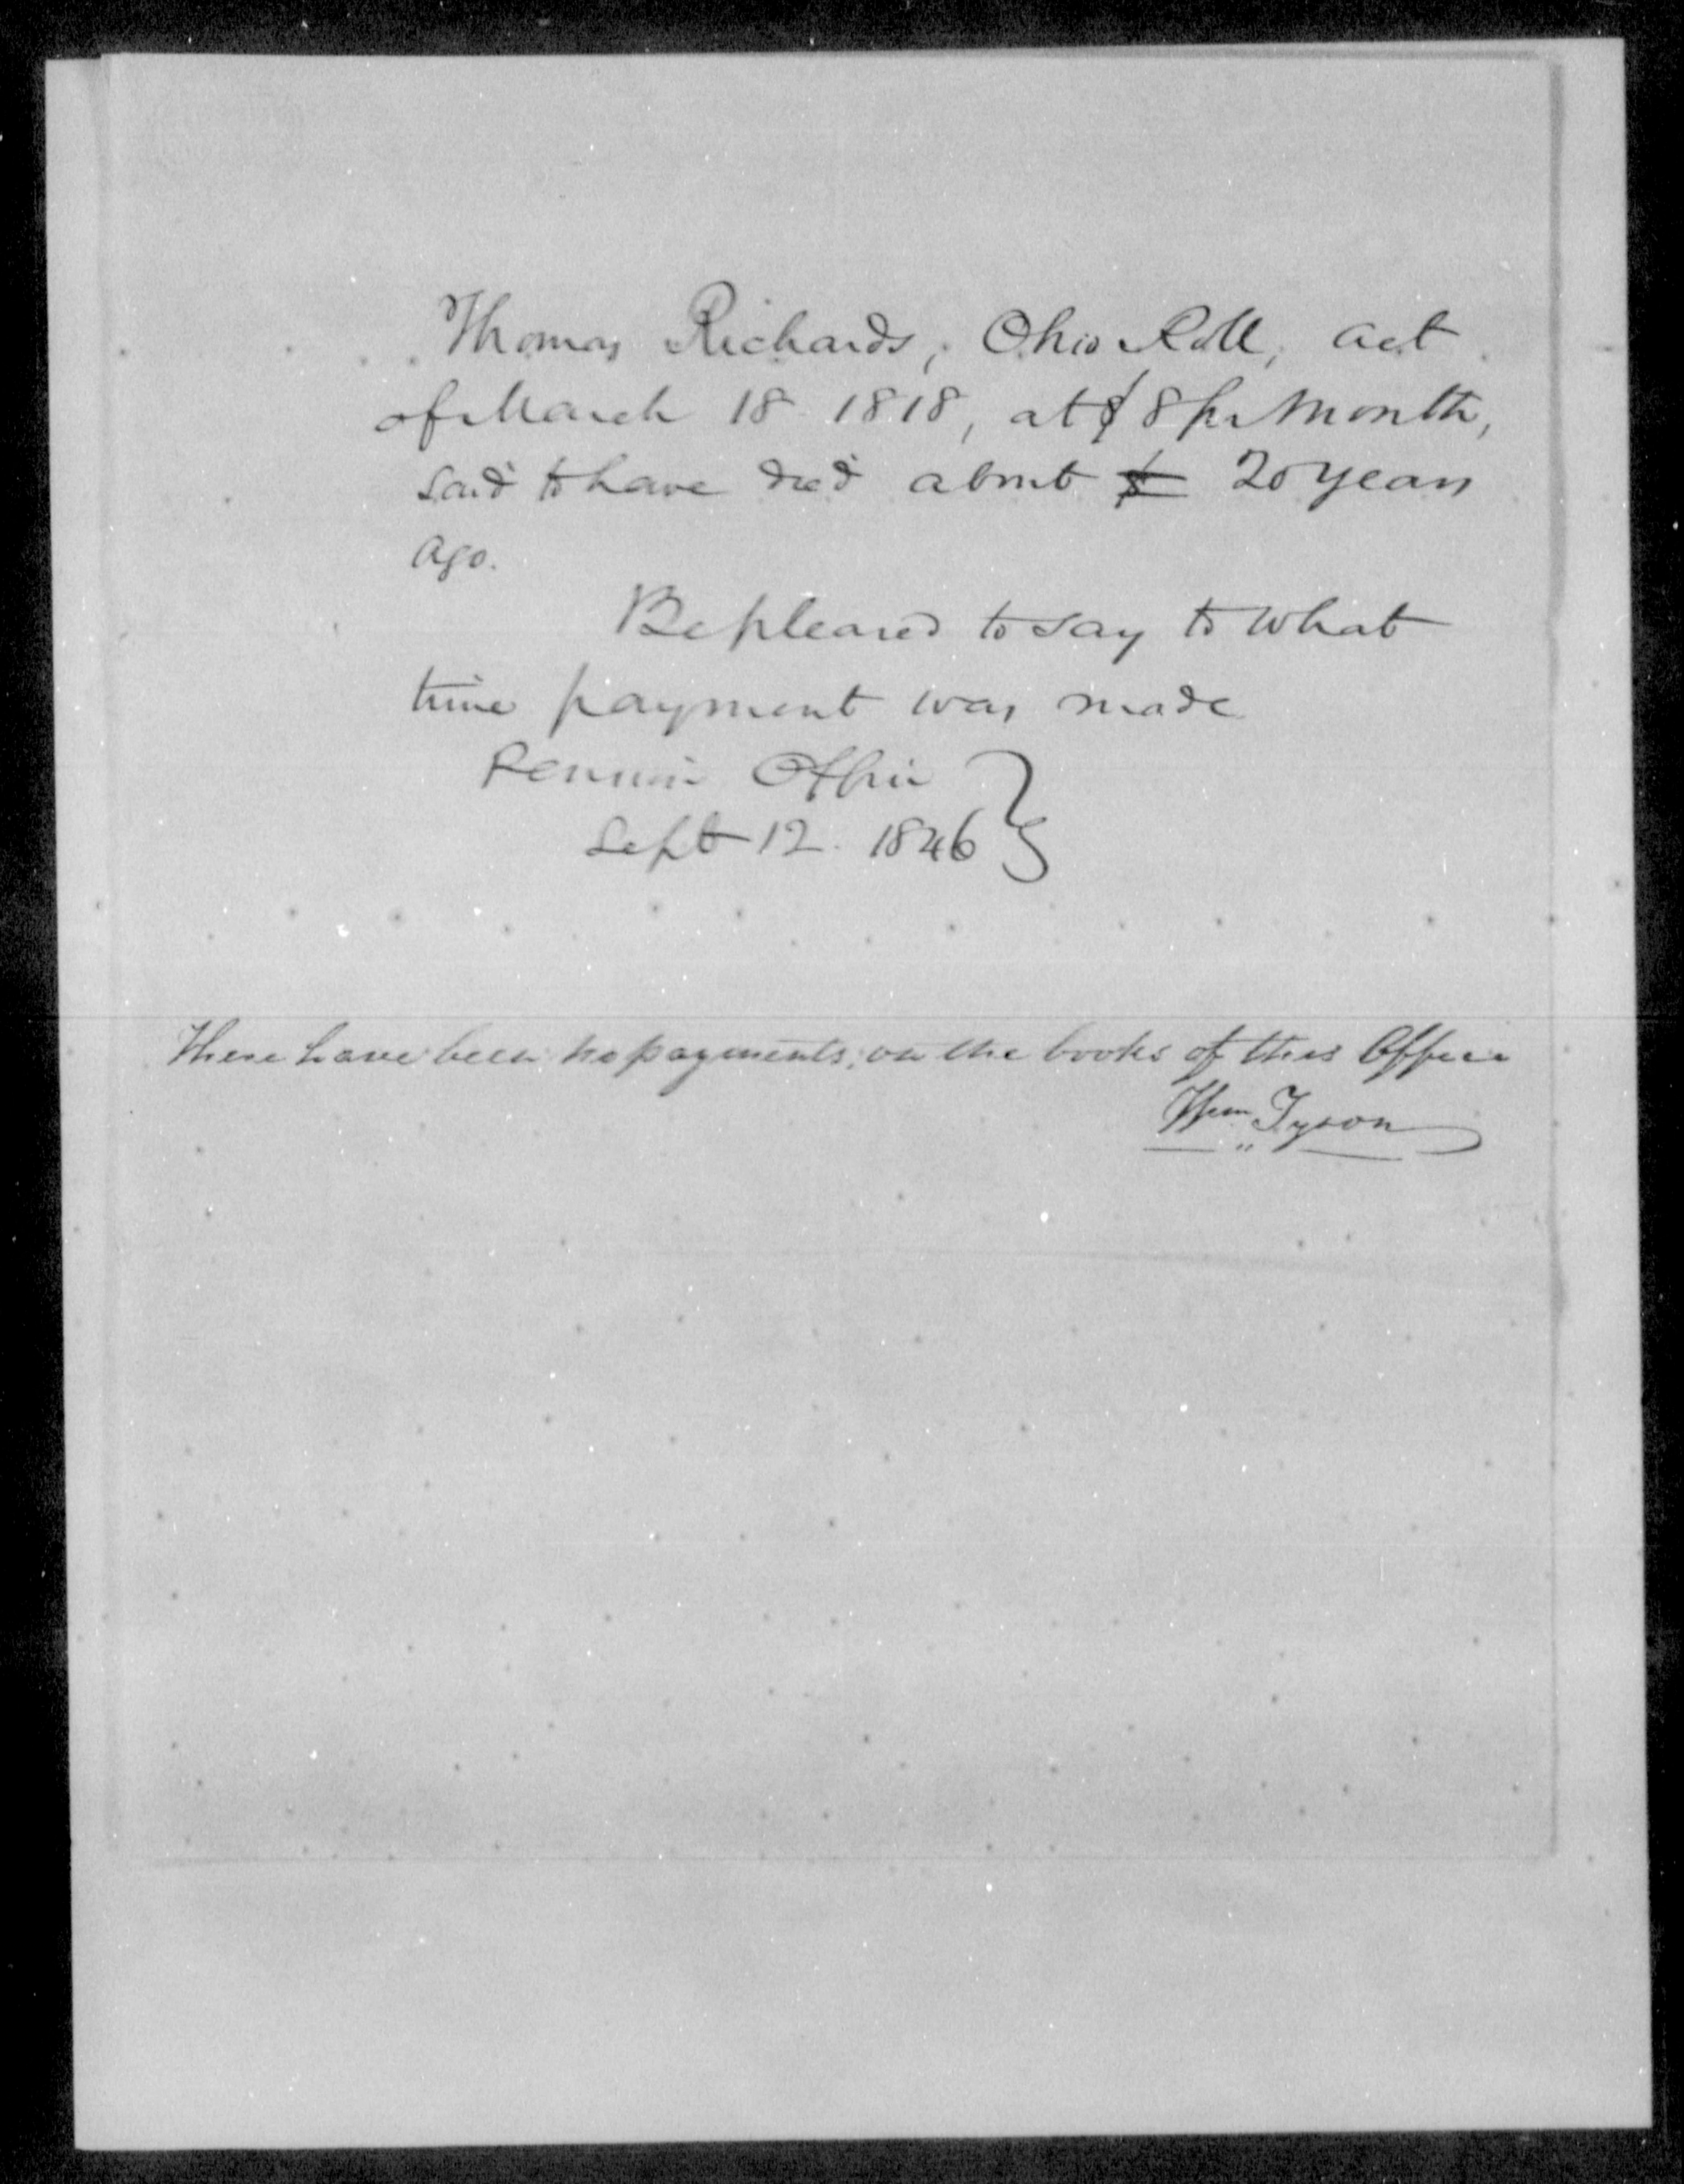Thomas Richards, Ohio Roll, act of March 18, 1818, at $ 8 per month, said to have died about 20 years Ago.
Be pleased to say to what time payment was made
Pension Office
Sept 12 1846}
There have been no payments on the books of this Office
Wm [WILLIAM] Tyson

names: Thomas Richards; Wm Tyson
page: 85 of 109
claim: widow's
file: W. 5709, for Thomas Richards, New Hampshire